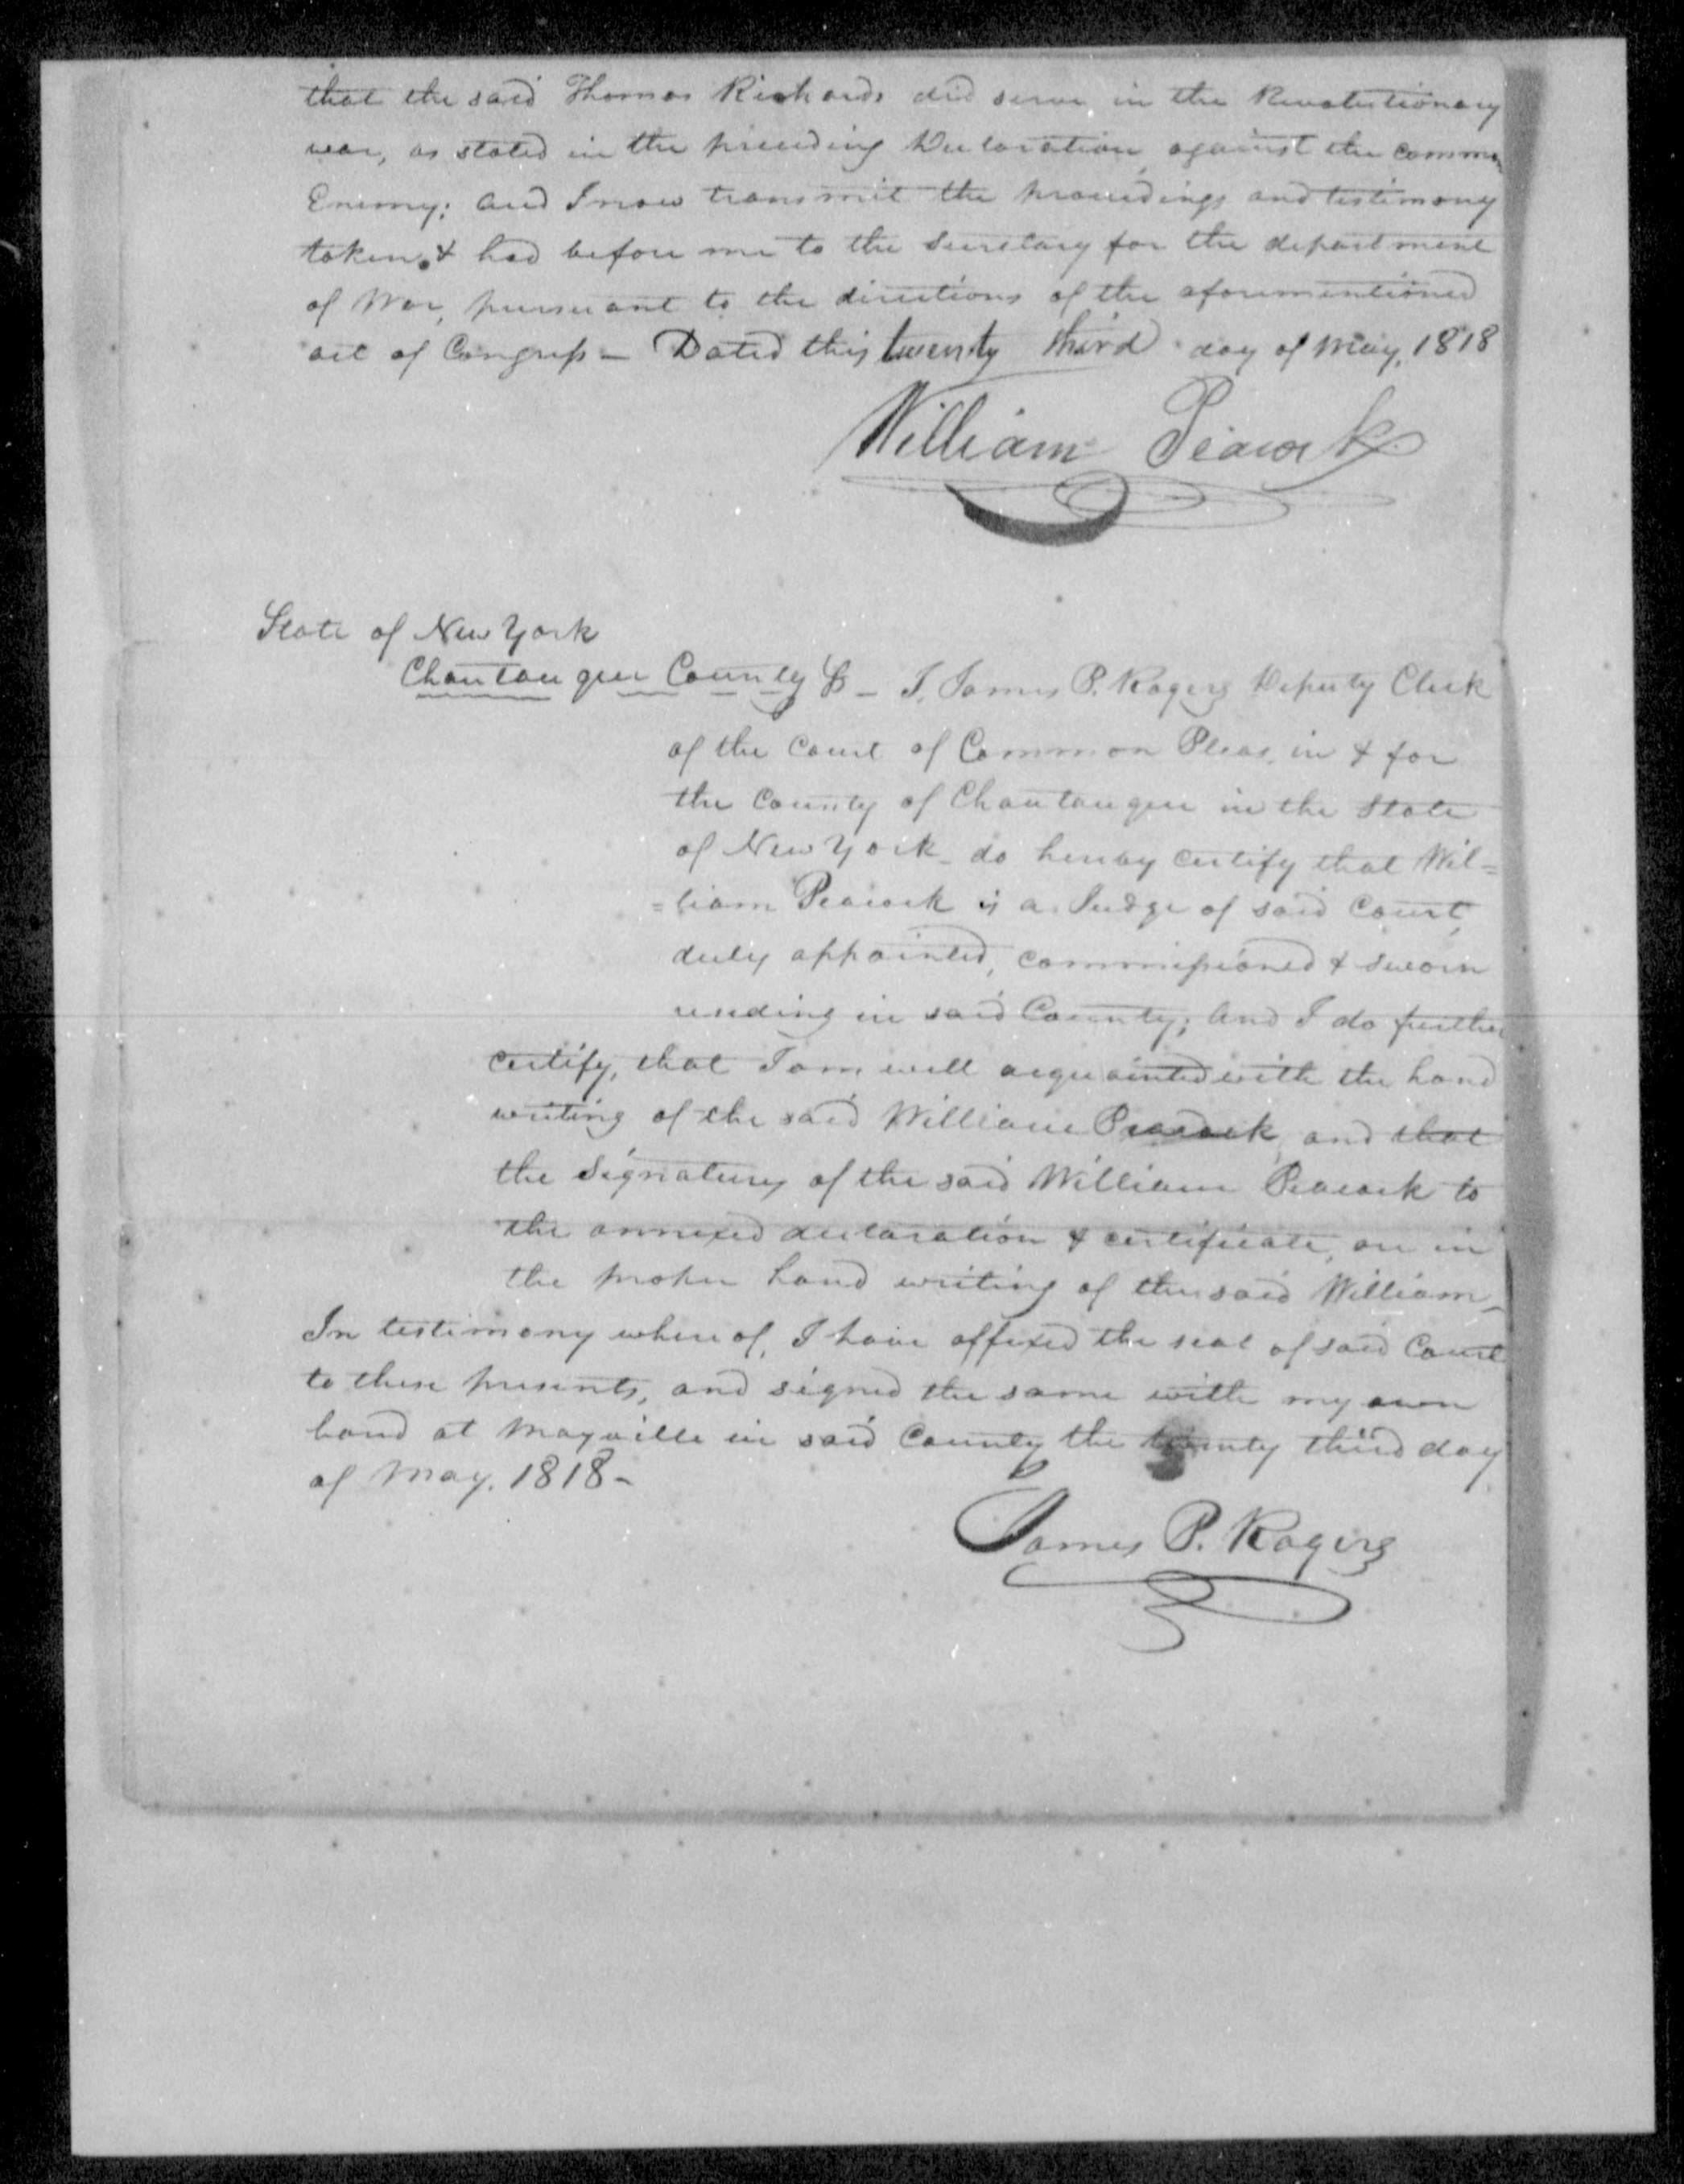that the said Thomas Richards did serve in the Revolutionary war, as stated in the preceding declaration against the  Common Enemy; and I now transmit the proceedings and testimony taken & had before me to the Secretary for the department of war, pursuant to the directions of the aforementioned act of Congress - Dated this twenty third day of May, 1818
William Peacock

State of New York Chautauqua County Ss - I, James P. Rogers Deputy Clerk of the Court of Common Pleas, in & for the County of Chautauqua in that State of New York- do hereby certify that William Peacock is a Judge of said Court, duly appointed, commissioned & sworn residing in said County; and I do further certify that I am well acquainted with the hand writing of the said William
In testimony whereof, I have affixed the seal of said Court to those presents, and signed the same with my own hand at Mayville in said County the twenty third of May 1818- 
James P. Rogers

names: William Peacock; William Peacock; William [BLANK]; Thomas Richards; James P Rogers; James P Rogers; William Peacock; William Peacock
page: 6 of 109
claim: widow's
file: W. 5709, for Thomas Richards, New Hampshire